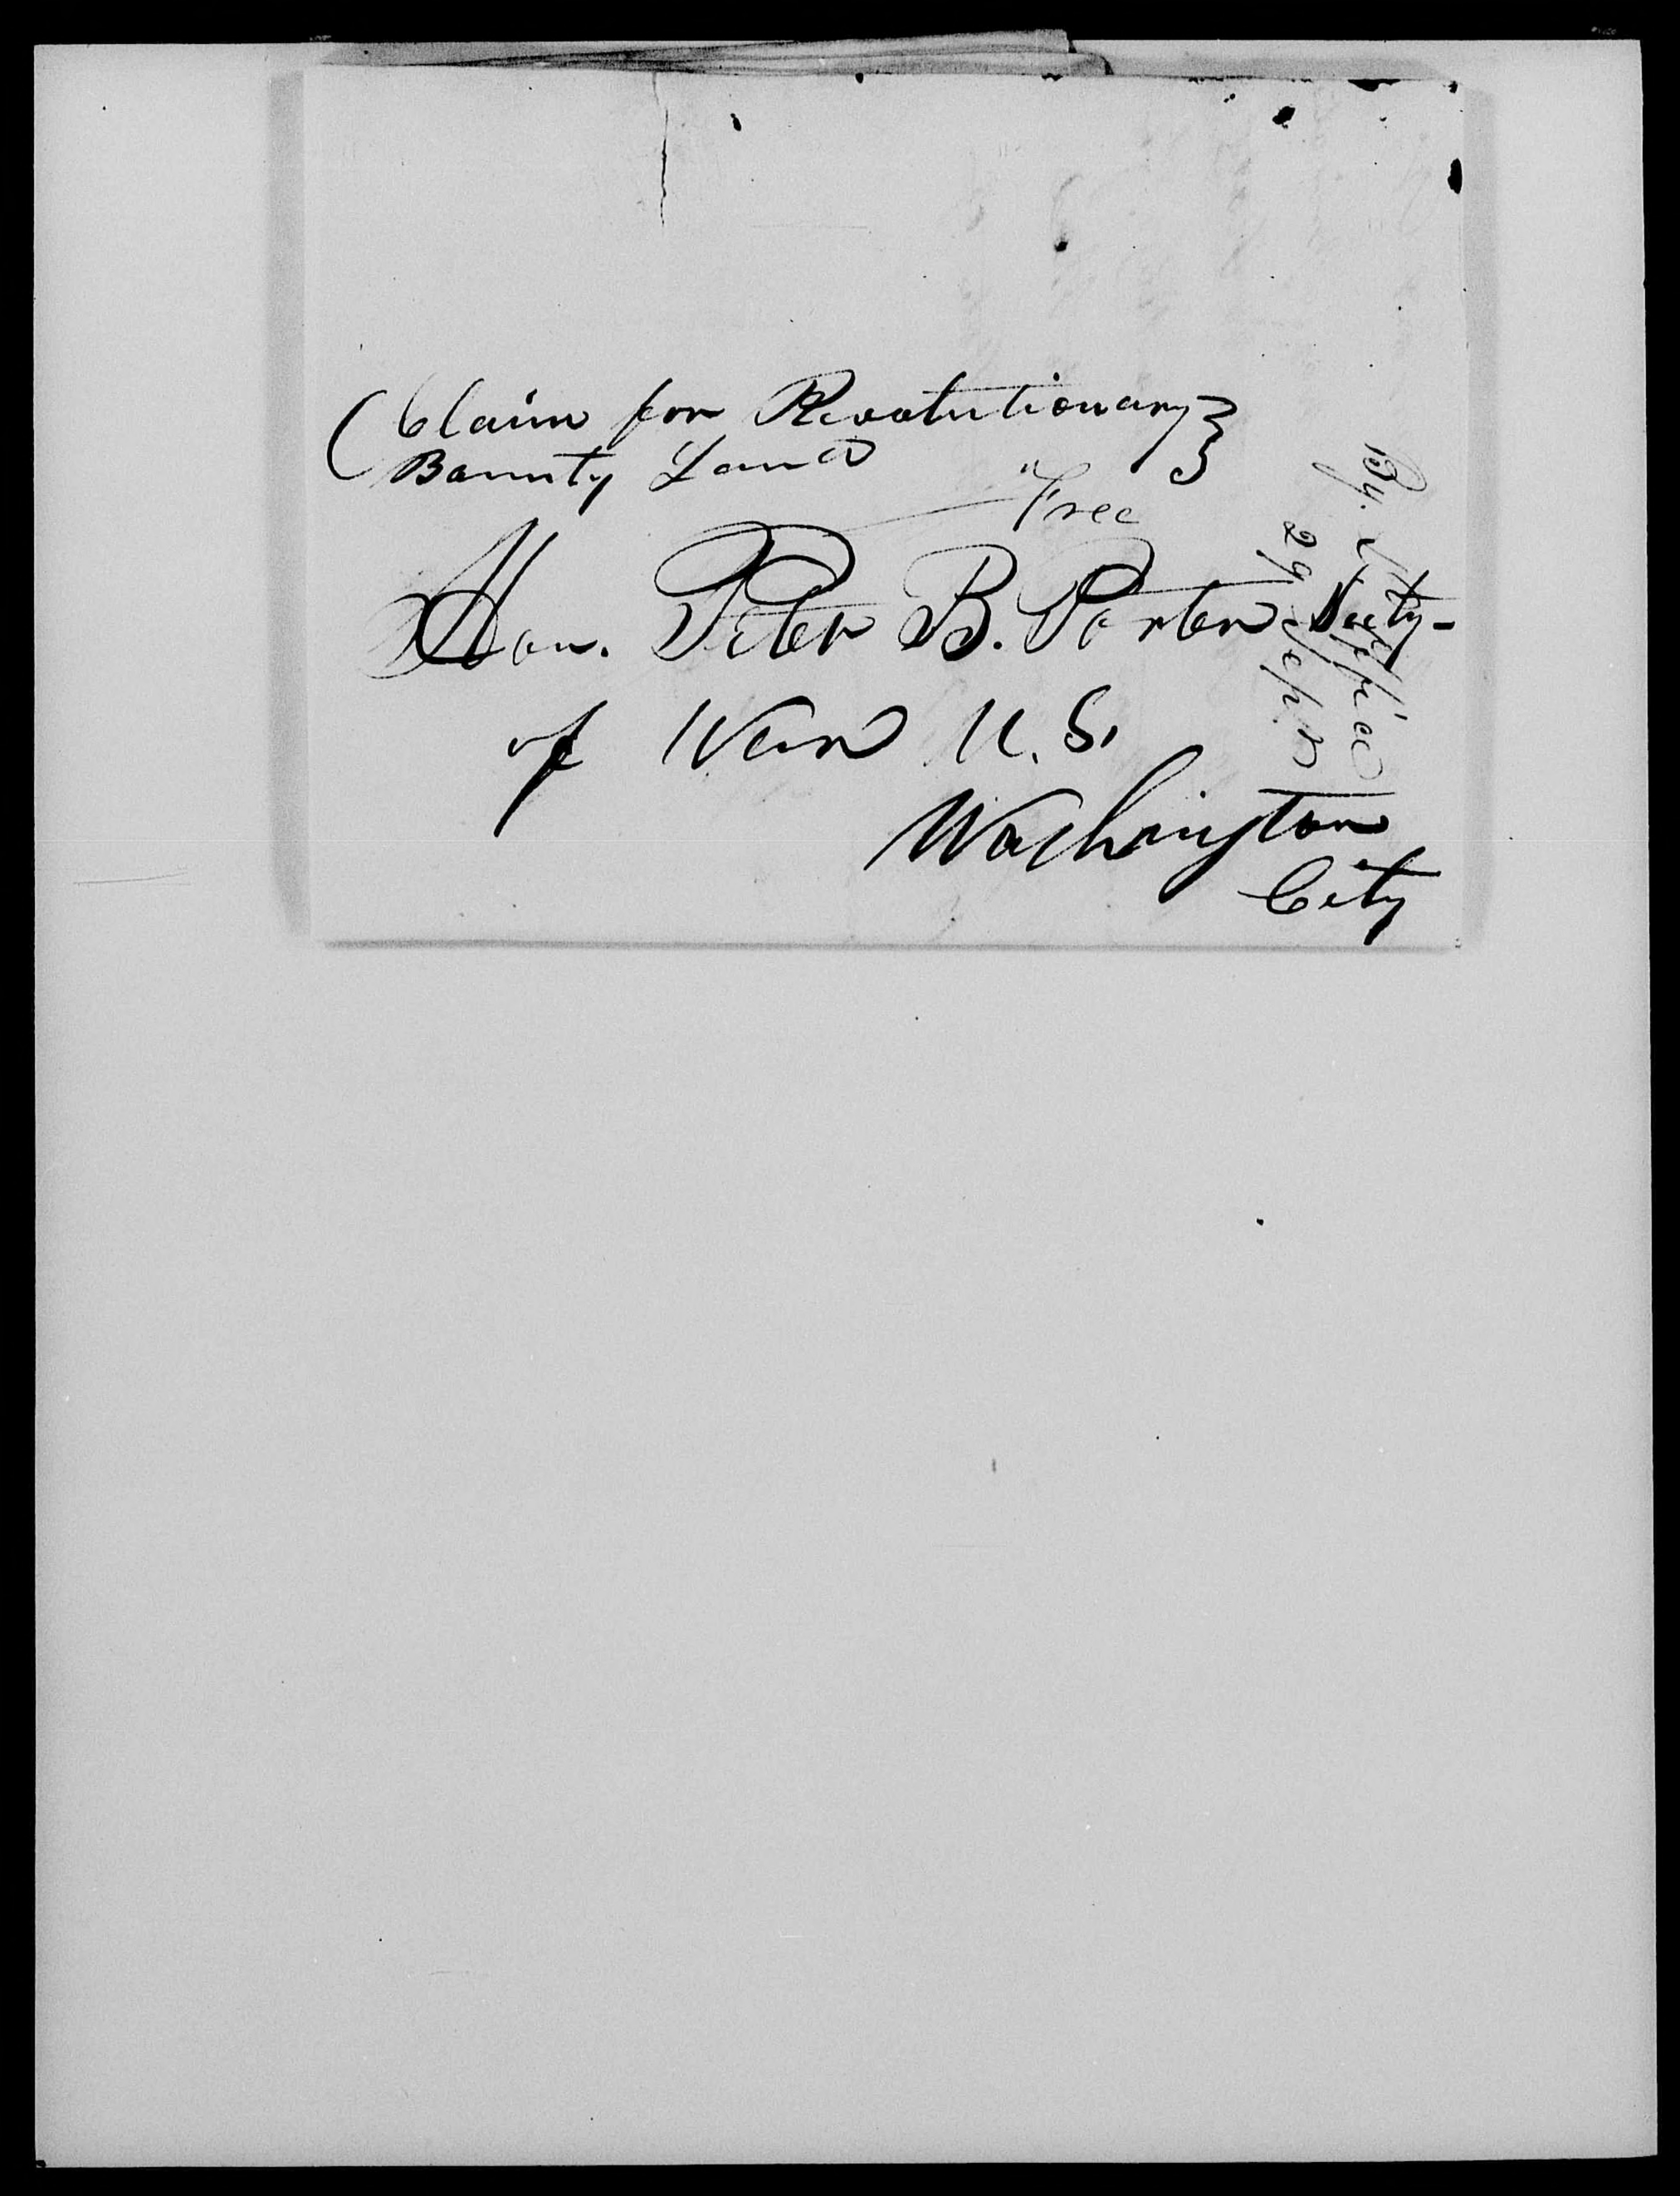Claim for Revolutionary 
Bounty Land

Hon Peter B Porter Secty
of War U.S.
Washington 
City


by Ld office 
29 Sept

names: Peter B Porter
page: 48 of 57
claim: widow's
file: W. 25,739, for James Murphey, Pennsylvania